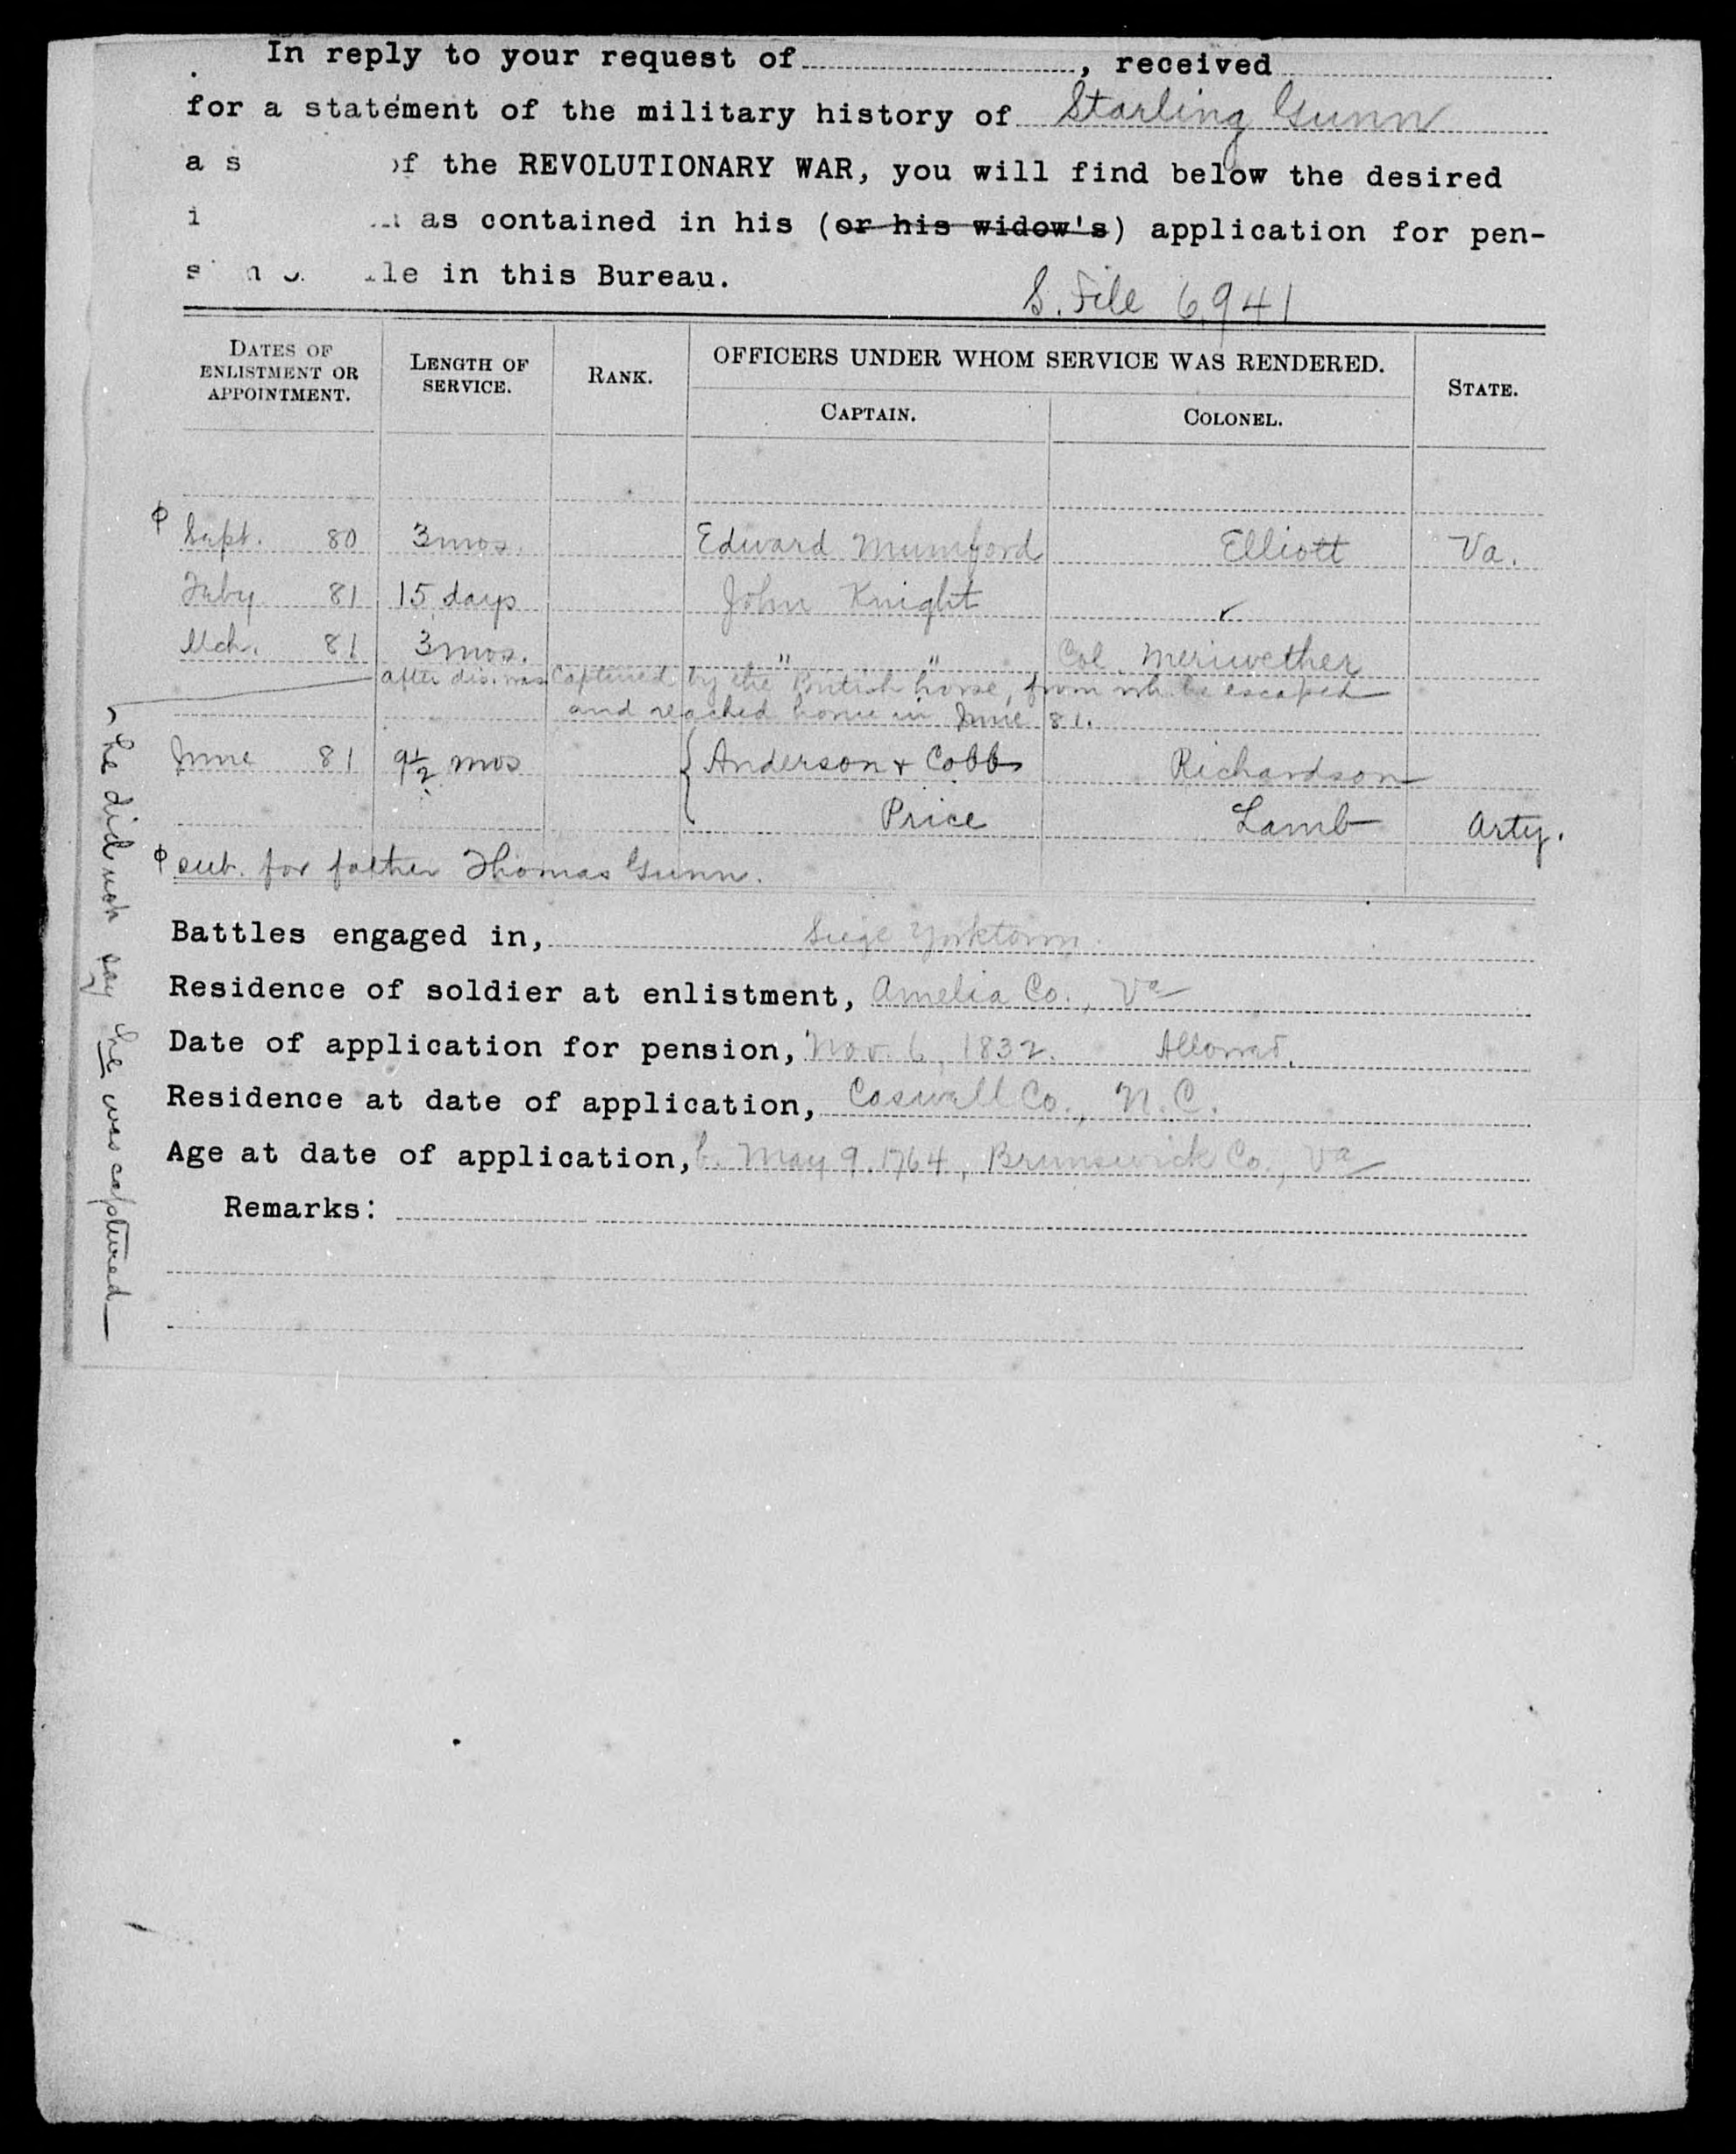In reply to your request of __ , received __ for a statement of the military history of Starling Gunn a soldier of the REVOLUTIONARY WAR, you will find below the desired i as contained in his [crossed out: (or his widow's)] application for pension on file in this Bureau.  S. File 6941

DATES OF ENLISTMENT OR APPOINTMENT.  || LENGTH OF SERVICE || RANK. || OFFICERS UNDER WHOM SERVICE WAS RENDERED. CAPTAIN || COLONEL || STATE.
*Sept. 1780 || 3 mos. || — || Edward Mumford || Elliott || Va.
Feby 1781 || 1 days || — || John Knight || — || —
Mch. 1781 || 3 mos. || — || — || Col Meriwether || —
after dis. he was captured by the "British" horse, from whom he escaped and reached home in June 81.
[Margin note:] he did not say he was captured_
June 1781 || 9 1/2 mos || — || Anderson & Cobb, Price || Richardson, Lamb || arty [artillery]
* sub. for father Thomas Gunn.

Battles engaged in, Siege Yorktown.
Residence of soldier at enlistent, Amelia Co., Va.
Date of application for pension, Nov. 6, 1832.  Allowed
Residence at date of application, Caswell Co., N.C.
Age at date of application, b. May 9, 1875, Brunswick Co, Va.
Remarks:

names: Lamb, Richardson, Edward Mumford, Price, Elliott, Meriwether, Anderson, John Knight, Thomas Gunn, Cobb, Starling Gunn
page: 34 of 58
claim: survivor's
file: S. 6,941, Starling Gunn, Continental Va.